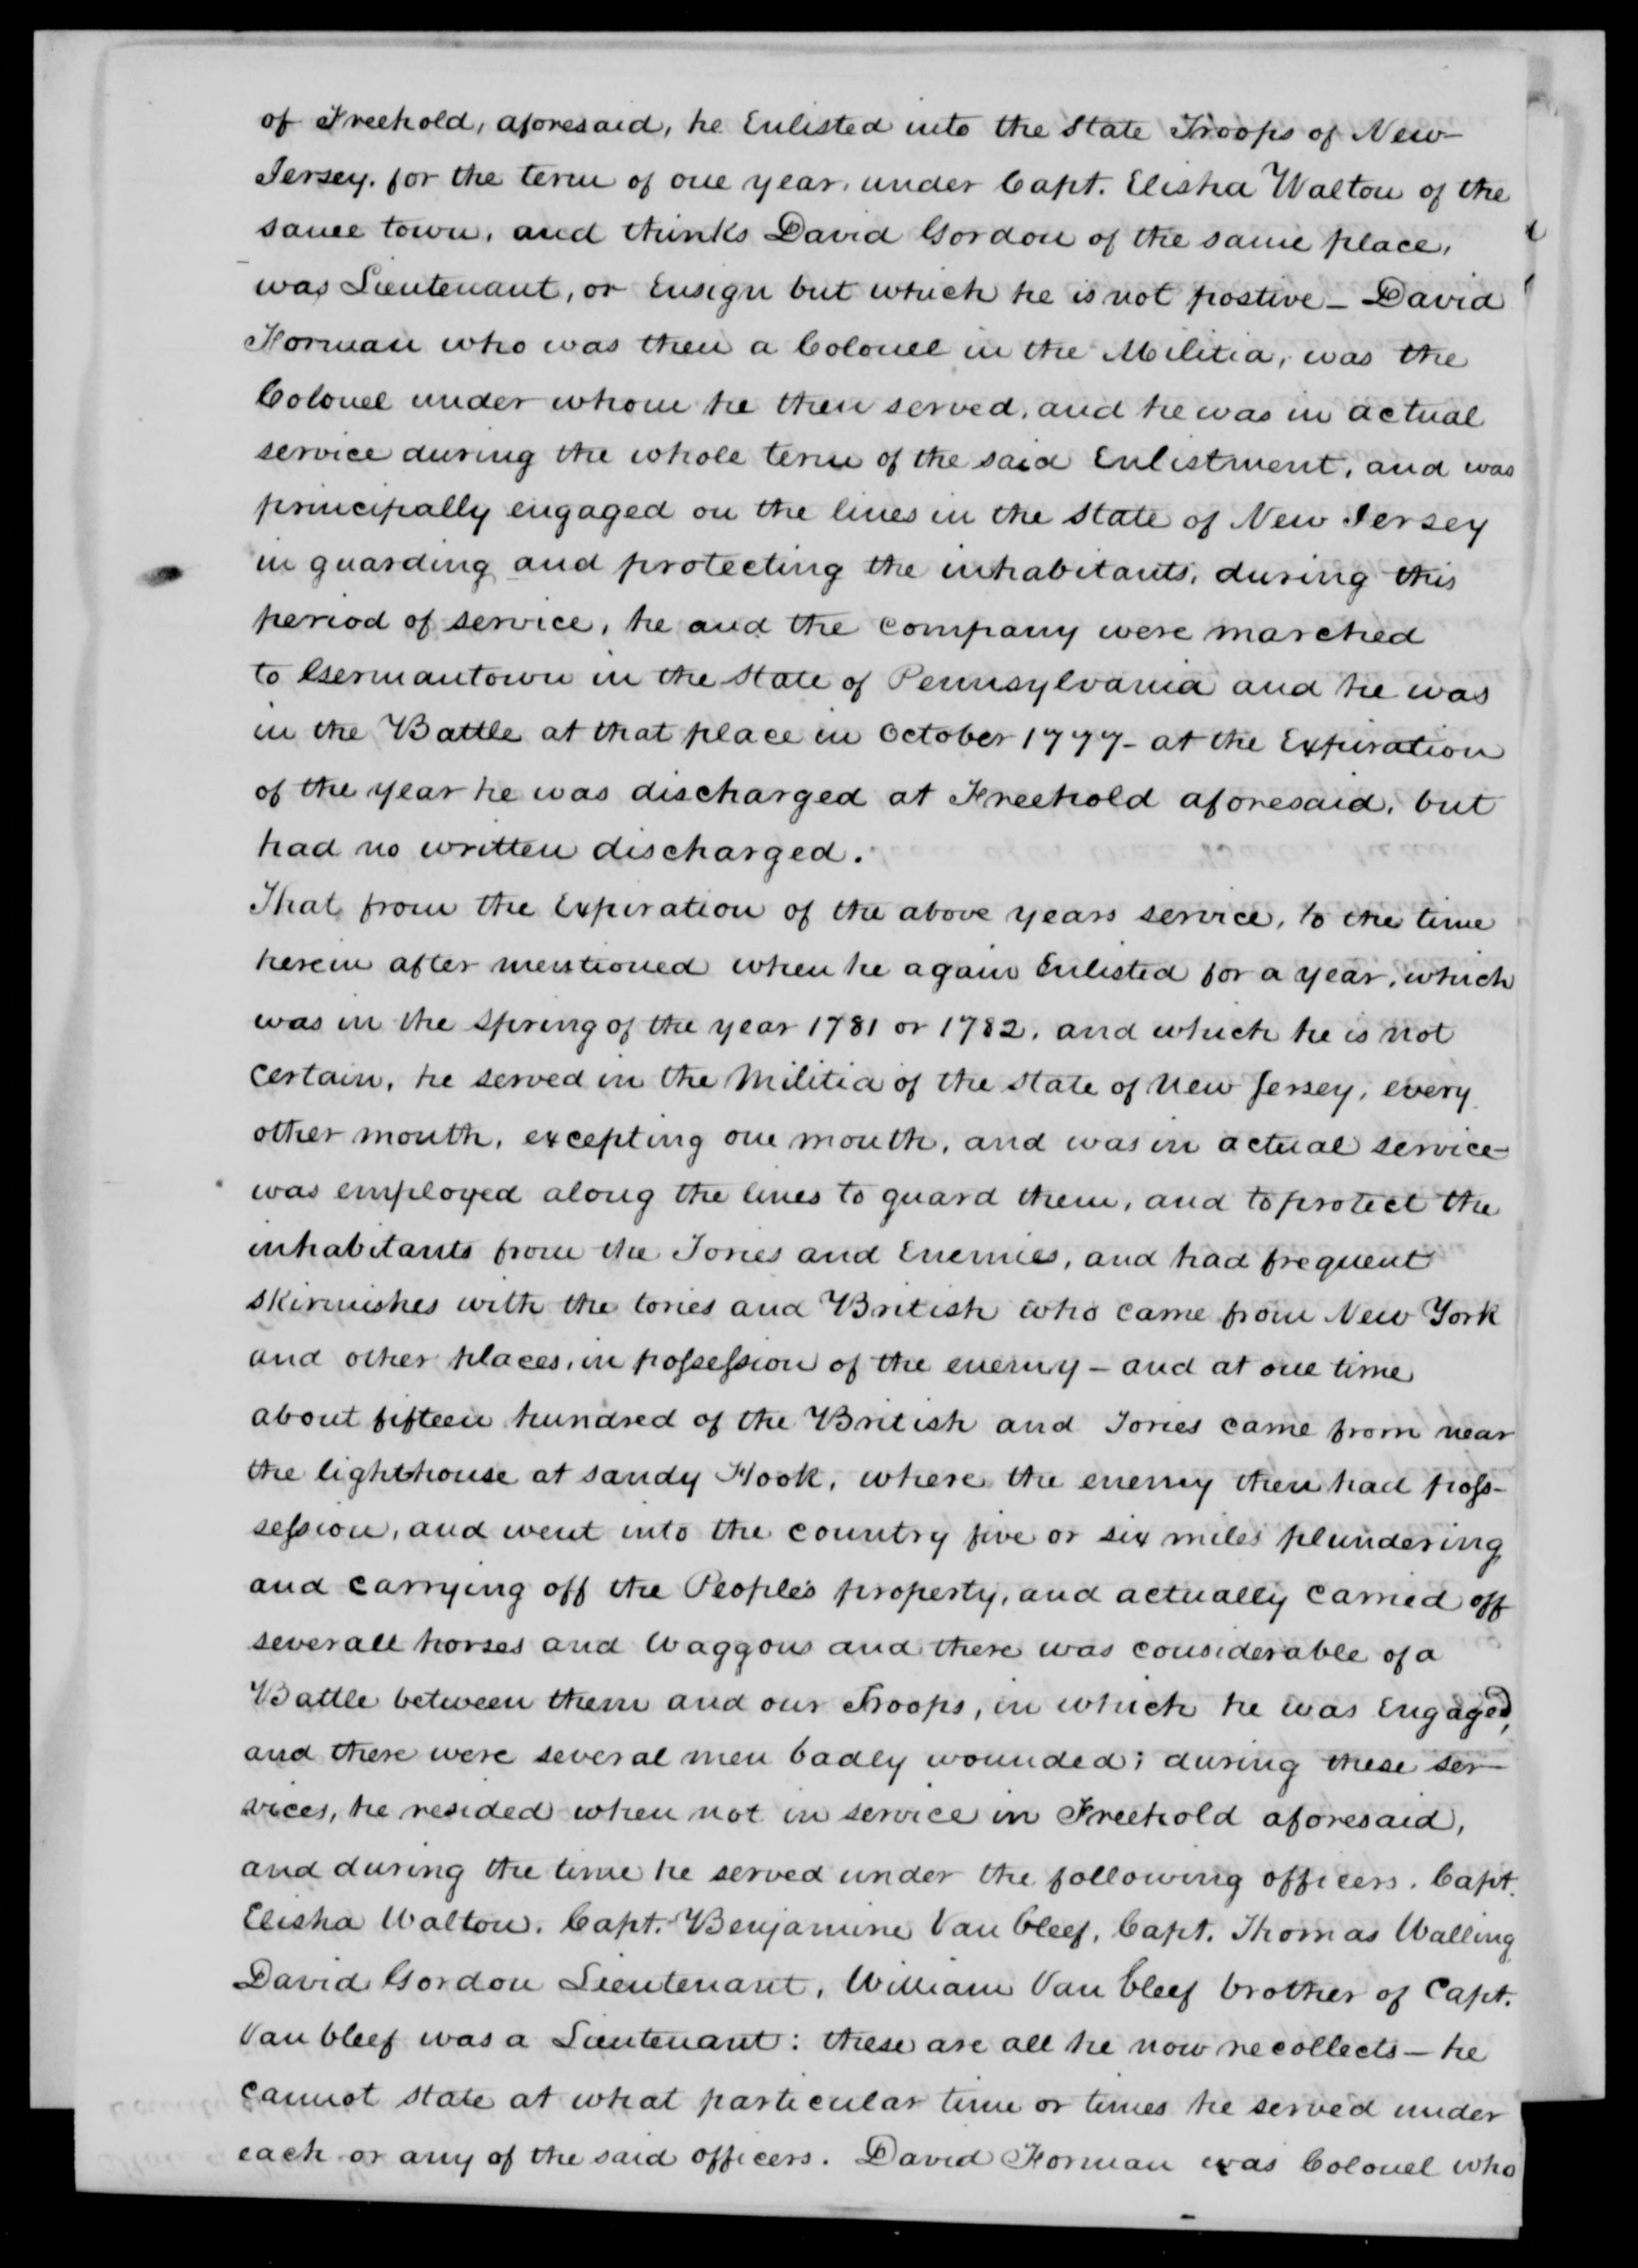of Freehold aforesaid, he enlisted into the State Troops of New Jersey for the term of one year under Capt. Elisha Walton of the same town and thinks David Gordon of the same place, was Lieutenant, or ensign but which he is not positive.  David Forman who was then a Colonel in the Militia, was the Colonel under whom he then served and he was in the actual service during the whole term of the said enlistment, and was principally engaged on the lines in the State of New Jersey in guarding and protecting the inhabitants, during this period of service, he and the company were marched to Germantown in the State of Pennsylvania and he was tin the Battle at that place in October 1777 at the expiration of the year he was discharged at Freehold aforesaid, but had no written discharged.  That from the expiration of the above years service to one time herein after mentioned when he again enlisted for a year, which was in the spring of the year 1781 or 1782, and which he is not certain, he served in the Militia of the State of New Jersey every other month, excepting one month, and was in actual service was employed along the lines to guard there, and to protect the inhabitants from the Tories and enemies, and had frequent skirmishes with the Tories and British who came from New York and other places, in possession of the enemy - and at one time about fifteen hundred of the British and Tories came from near the lighthouse at Sandy Hook, where the enemy there had possession and went into the country five of six miles plundering and carrying off the People's property, and actually carried off several horses and wagons and there was considerable of a Battle between them and our Troops in which he was engaged and there were several men badly wounded, during these services, he resided when not in service in Freehold aforesaid, and during the time he served under the following officers: Capt. Elisha Walton, Capt. Benjamin Van Cleef, Capt. Thomas Walling, David Gordon Lieutenant, William Van Cleef brother of Capt. Van Cleef was a Lieutenant.  These are all he now recollects - he cannot state at what particular time or times he served under each or any of the said officers.  David Forman as Colonel who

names: David Gordon, William Van Cleef, David Forman, Elisha Walton, Thomas Walling, Benjamine Van Cleef, Van Cleef, David Forman, Elisha Walton, David Gordon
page: 40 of 66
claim: widow's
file: W. 19588, William Walling, New Jersey